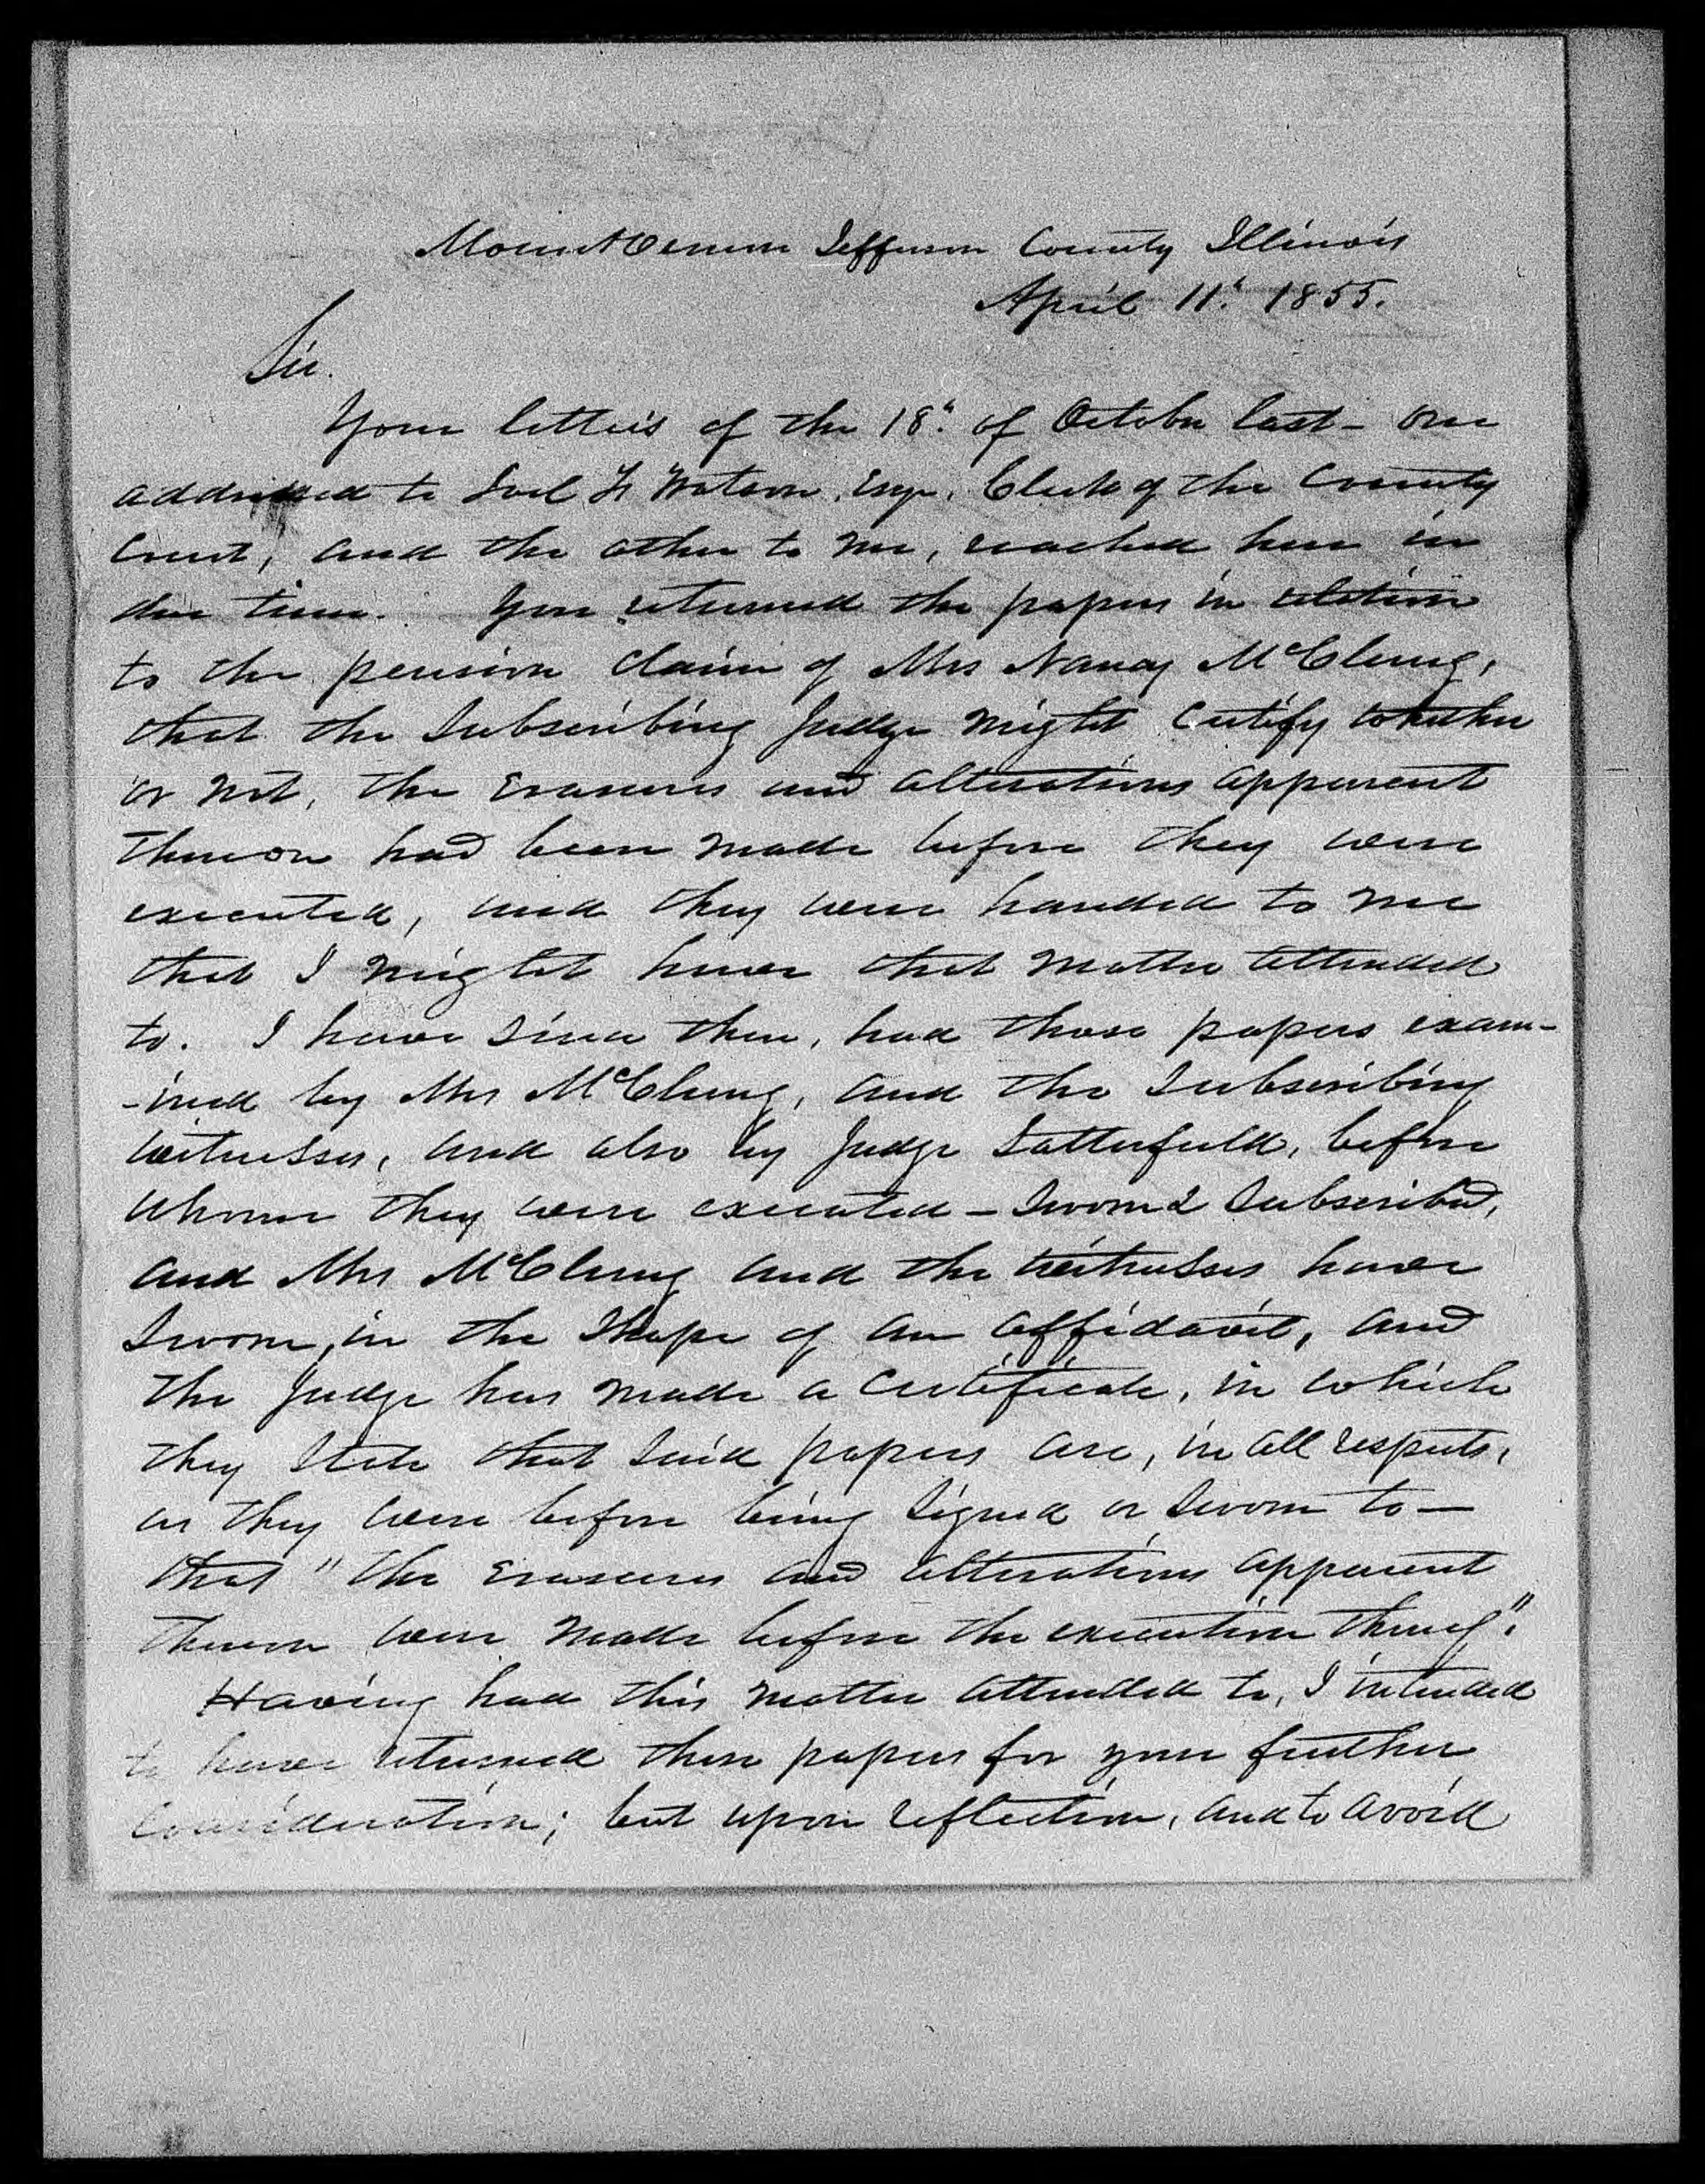Mount Jefferson County Illinois
April 11. 1855.

Sir,
Your letters of the 18th of October last- one added to Joel F Watson, Esq. Clerk of the County Court, and the other to me, reached here in due time. You returned the papers in relation to the pension claim of Mrs Nancy McClung, that the subscribing Judge might certify to hither or not, the Erasures and alterations apparent thereon had been made before they were executed, and they were handed to me that I might him that matter attended to. I have since these, had these papers examined by Mrs McClung, and the subscribing witnesses, and also by Judge Satterfield, before whom they were executed - Sworn & subscribed, and Mrs. McClung and the trustees have sworn, in the shape of an affidavit, and the Judge has made a certificate, in which they state that said papers are, in all respects,
in they were before being signed or sworn to that "the erasures and alterations apparent thereon be made before the execution thereof"

Having had this matter attended to, I intended to have returned these papers for your further
consideration; but upon reflection, and to avoid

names: Joel F Watson; Nancy Mc Clung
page: 75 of 115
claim: widow's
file: W. 1446, for John Mc Clung, South Carolina